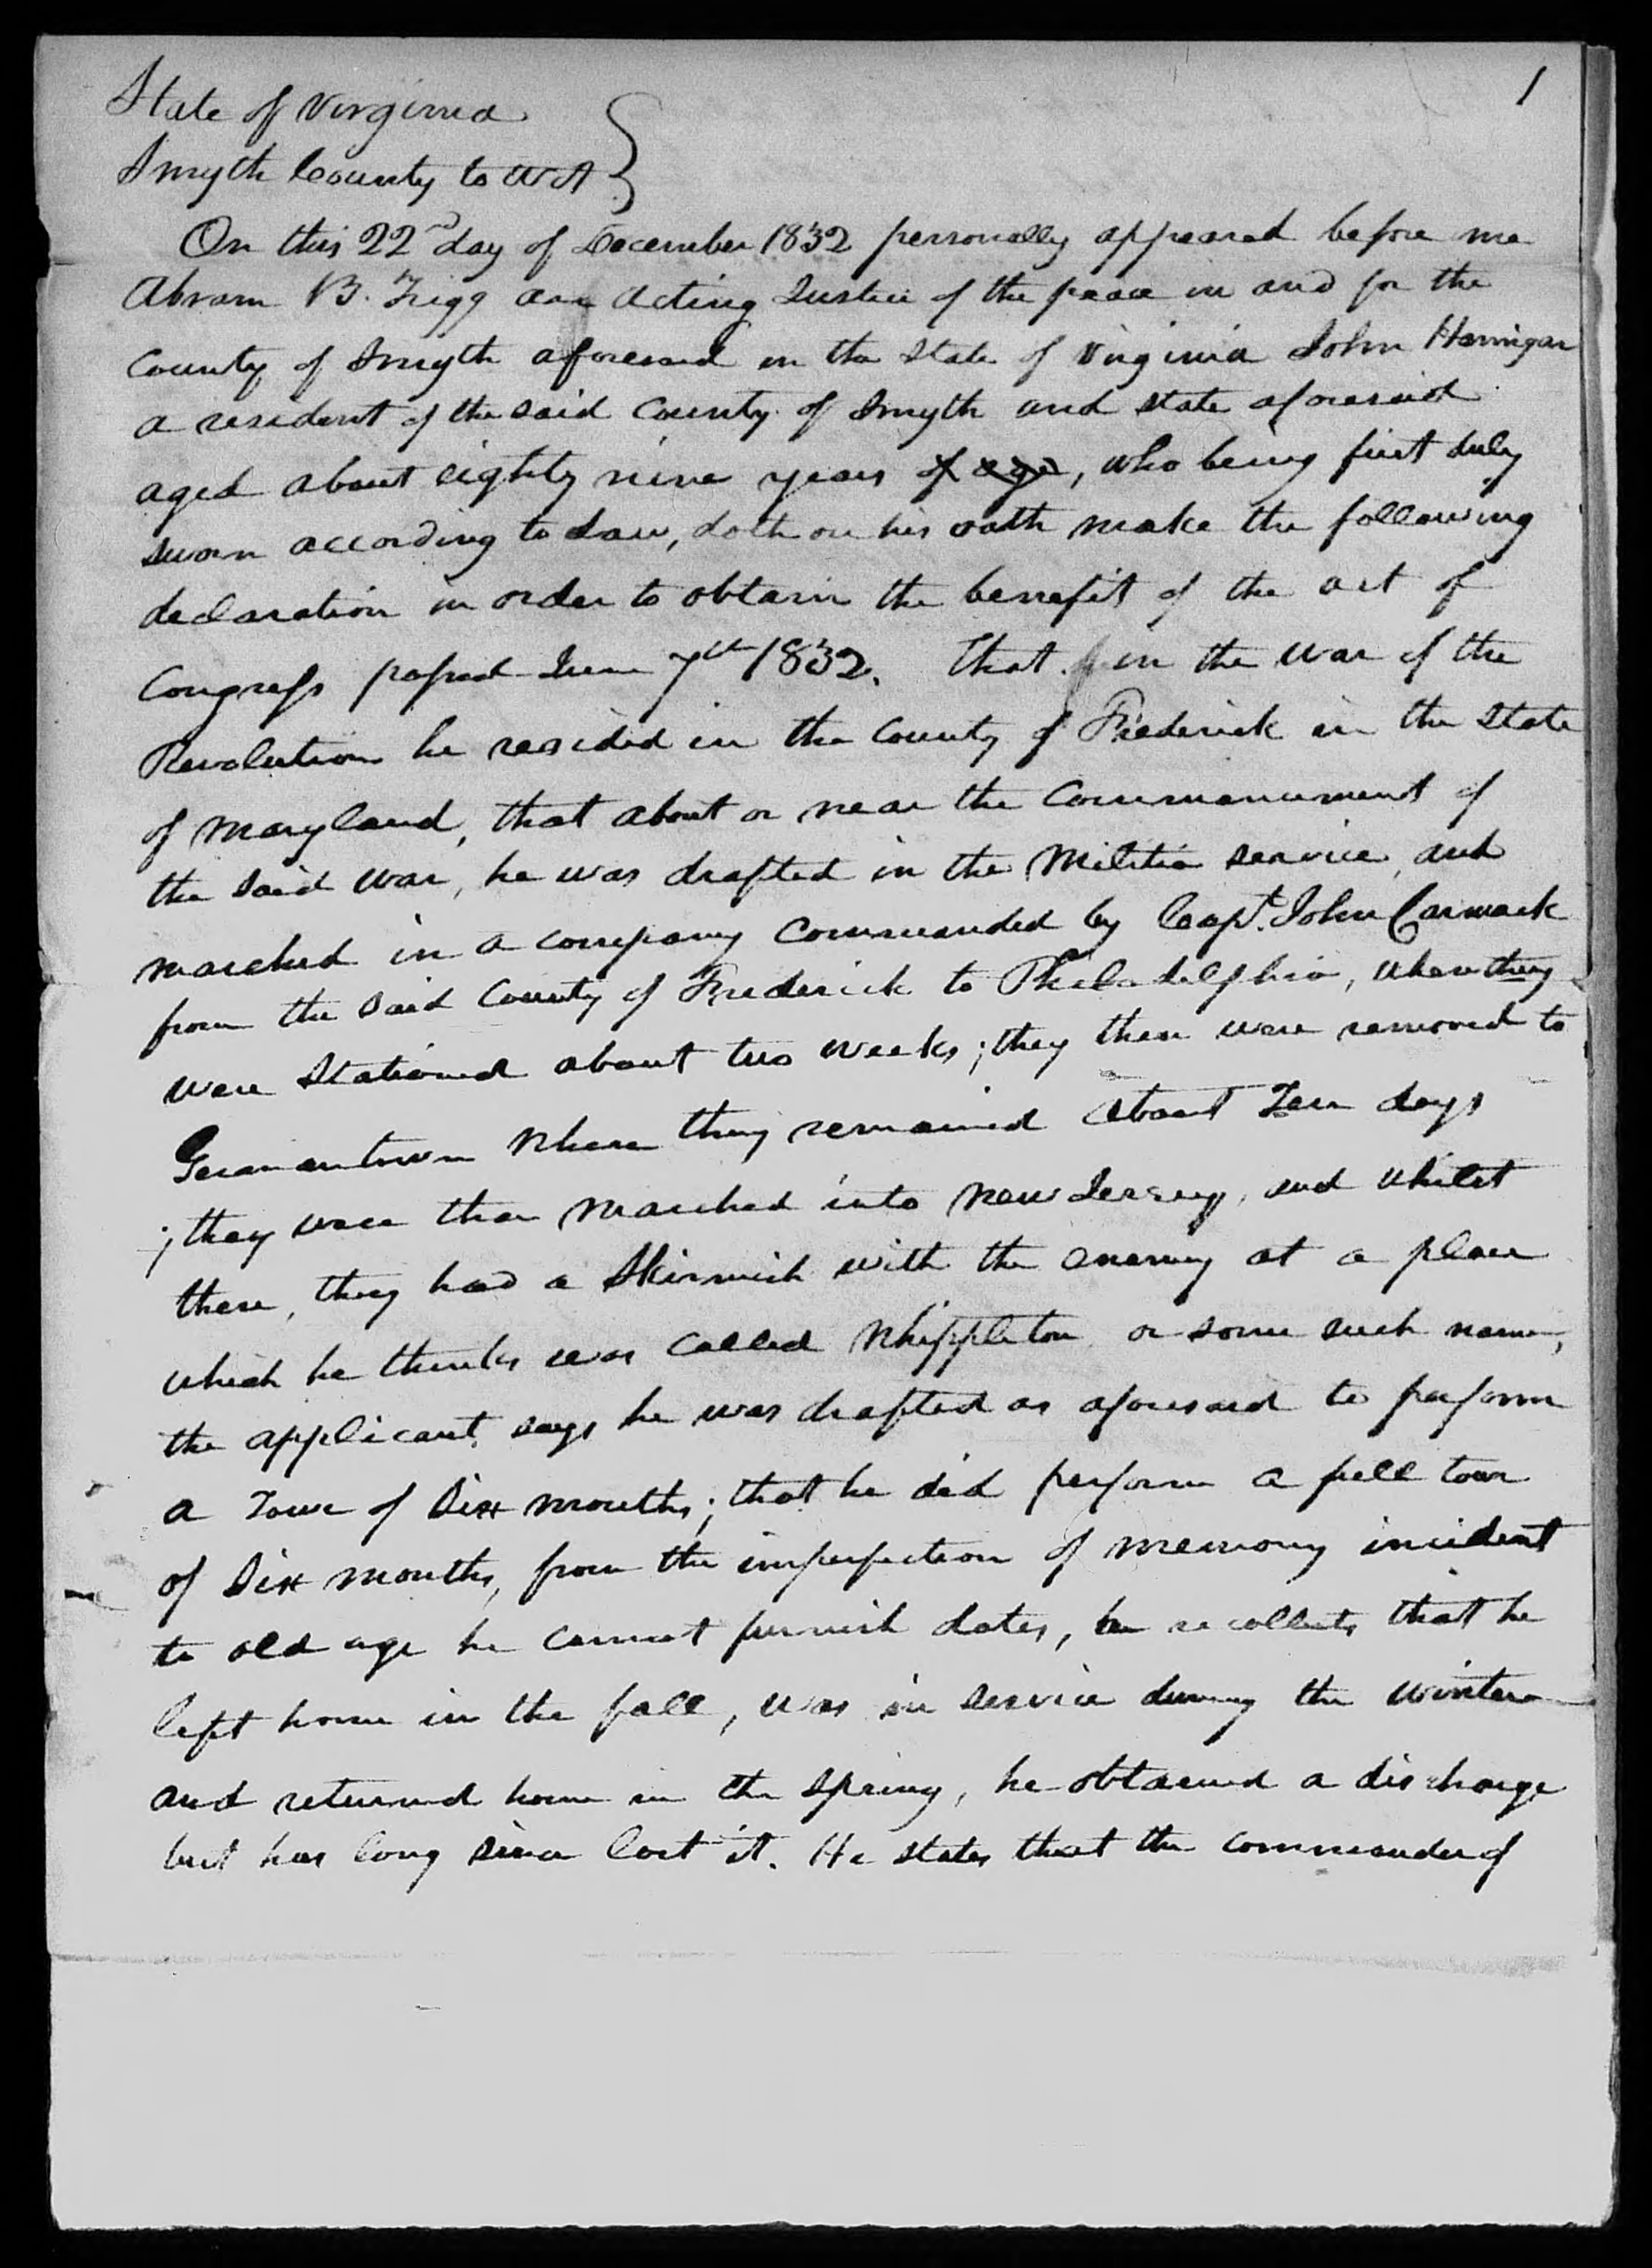State of Virginia
Smyth County to wit

On this 22nd day of December 1832 personally appeared before me Abram B Trigg an acting Justice of the Peace in and for the county of Smyth aforesaid in the state of Virginia John Hennigar a resident of the said county of Smyth and state aforesaid aged about eighty-nine years who being first duly sworn according to law doth on his oath make the following declaration in order to obtain the benefit of the act of Congress passed June 7th 1832. That in the war of the revolution he resided in the county of Frederick in the state of Maryland, that about or near the commencement of the said war he was drafted in the militia service and marched in a company commanded by Capt. John Carmack from the said county of Frederick to Philadelphia, where they were stationed about two weeks; they then were removed to Germantown where they remained about ten days; they were then marched into New Jersey and whilst there they had a skirmish with the enemy at a place which he thinks was called White Plaines or some such name; the applicant says he was drafted as aforesaid to perform a tour of six months; that he did perform a full tour of six months from the imperfection of memory incident to old age he cannot furnish dates or recollect that he left home in the fall was in service during the winter and returned home in the spring, he obtained a discharge but has long since lost it. He states that the commander of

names: John Carmack, John Hennigan, Abram B Trigg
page: 3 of 18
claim: survivor's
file: S. 15,884, John Hennigar, Md.